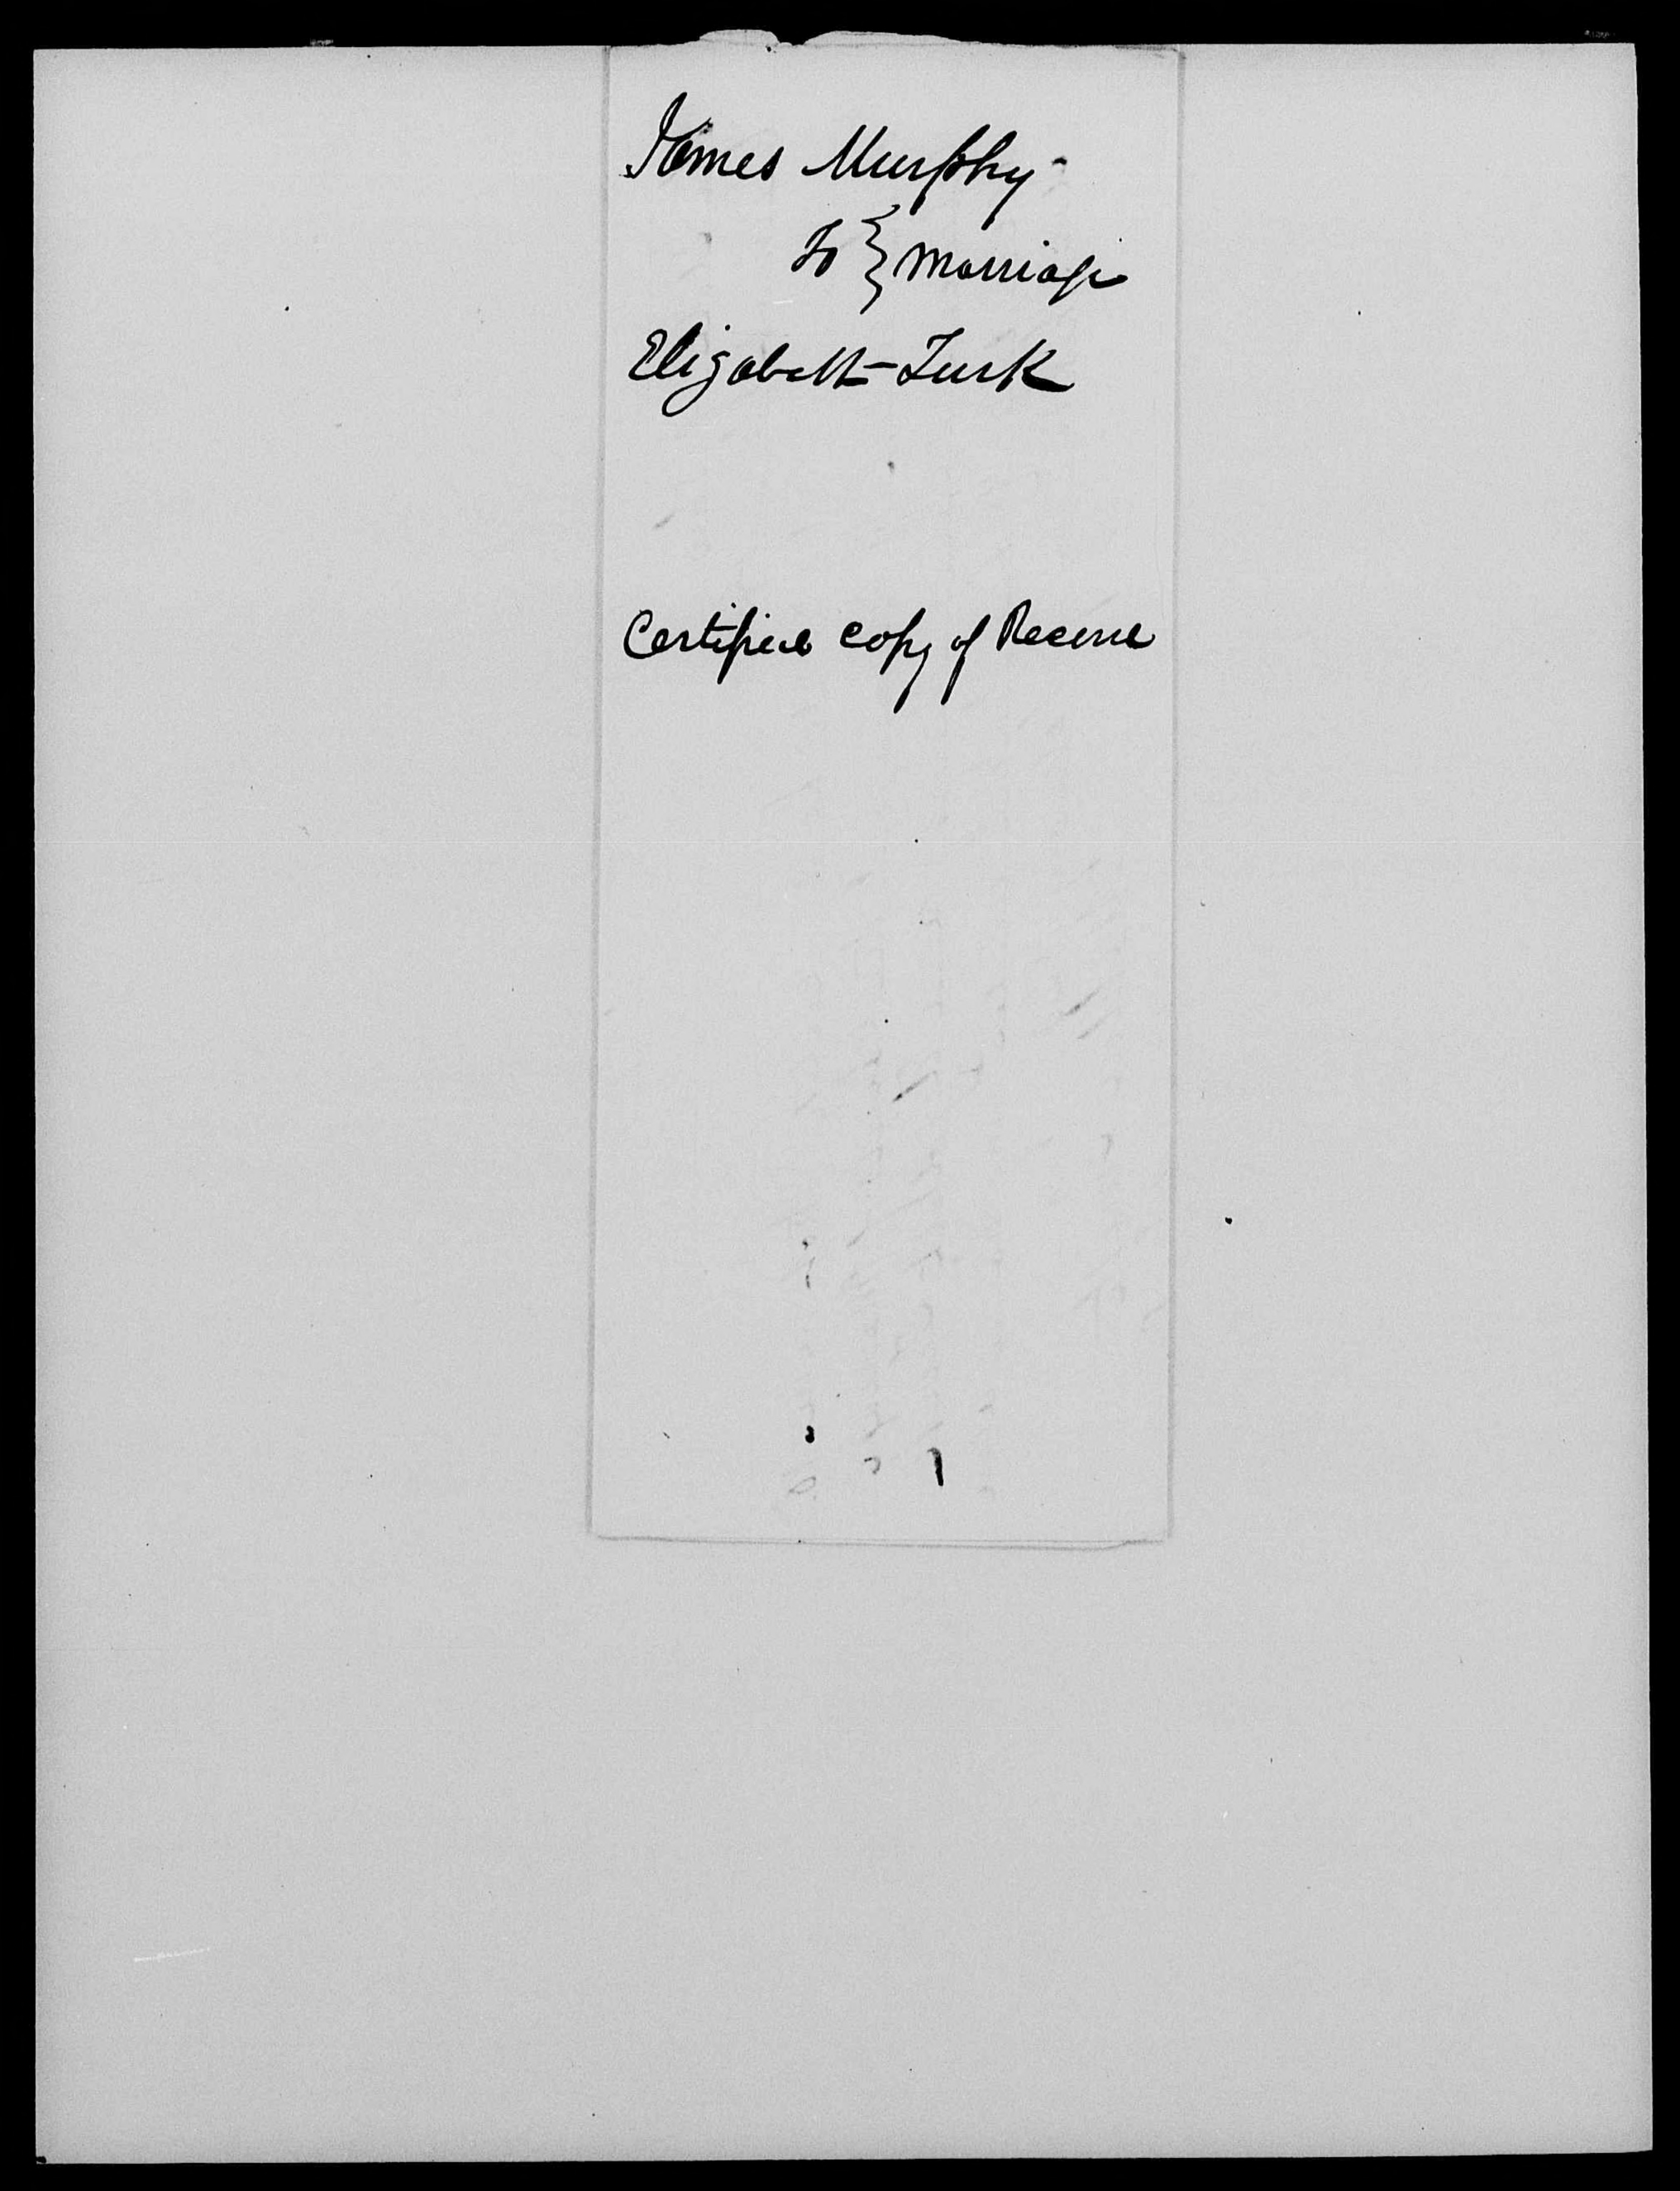James Murphy
to Marriage
Elizabeth Turk

Certified Copy of [Resene]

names: Elizabeth Turk; James Murphy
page: 41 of 57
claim: widow's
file: W. 25,739, for James Murphey, Pennsylvania